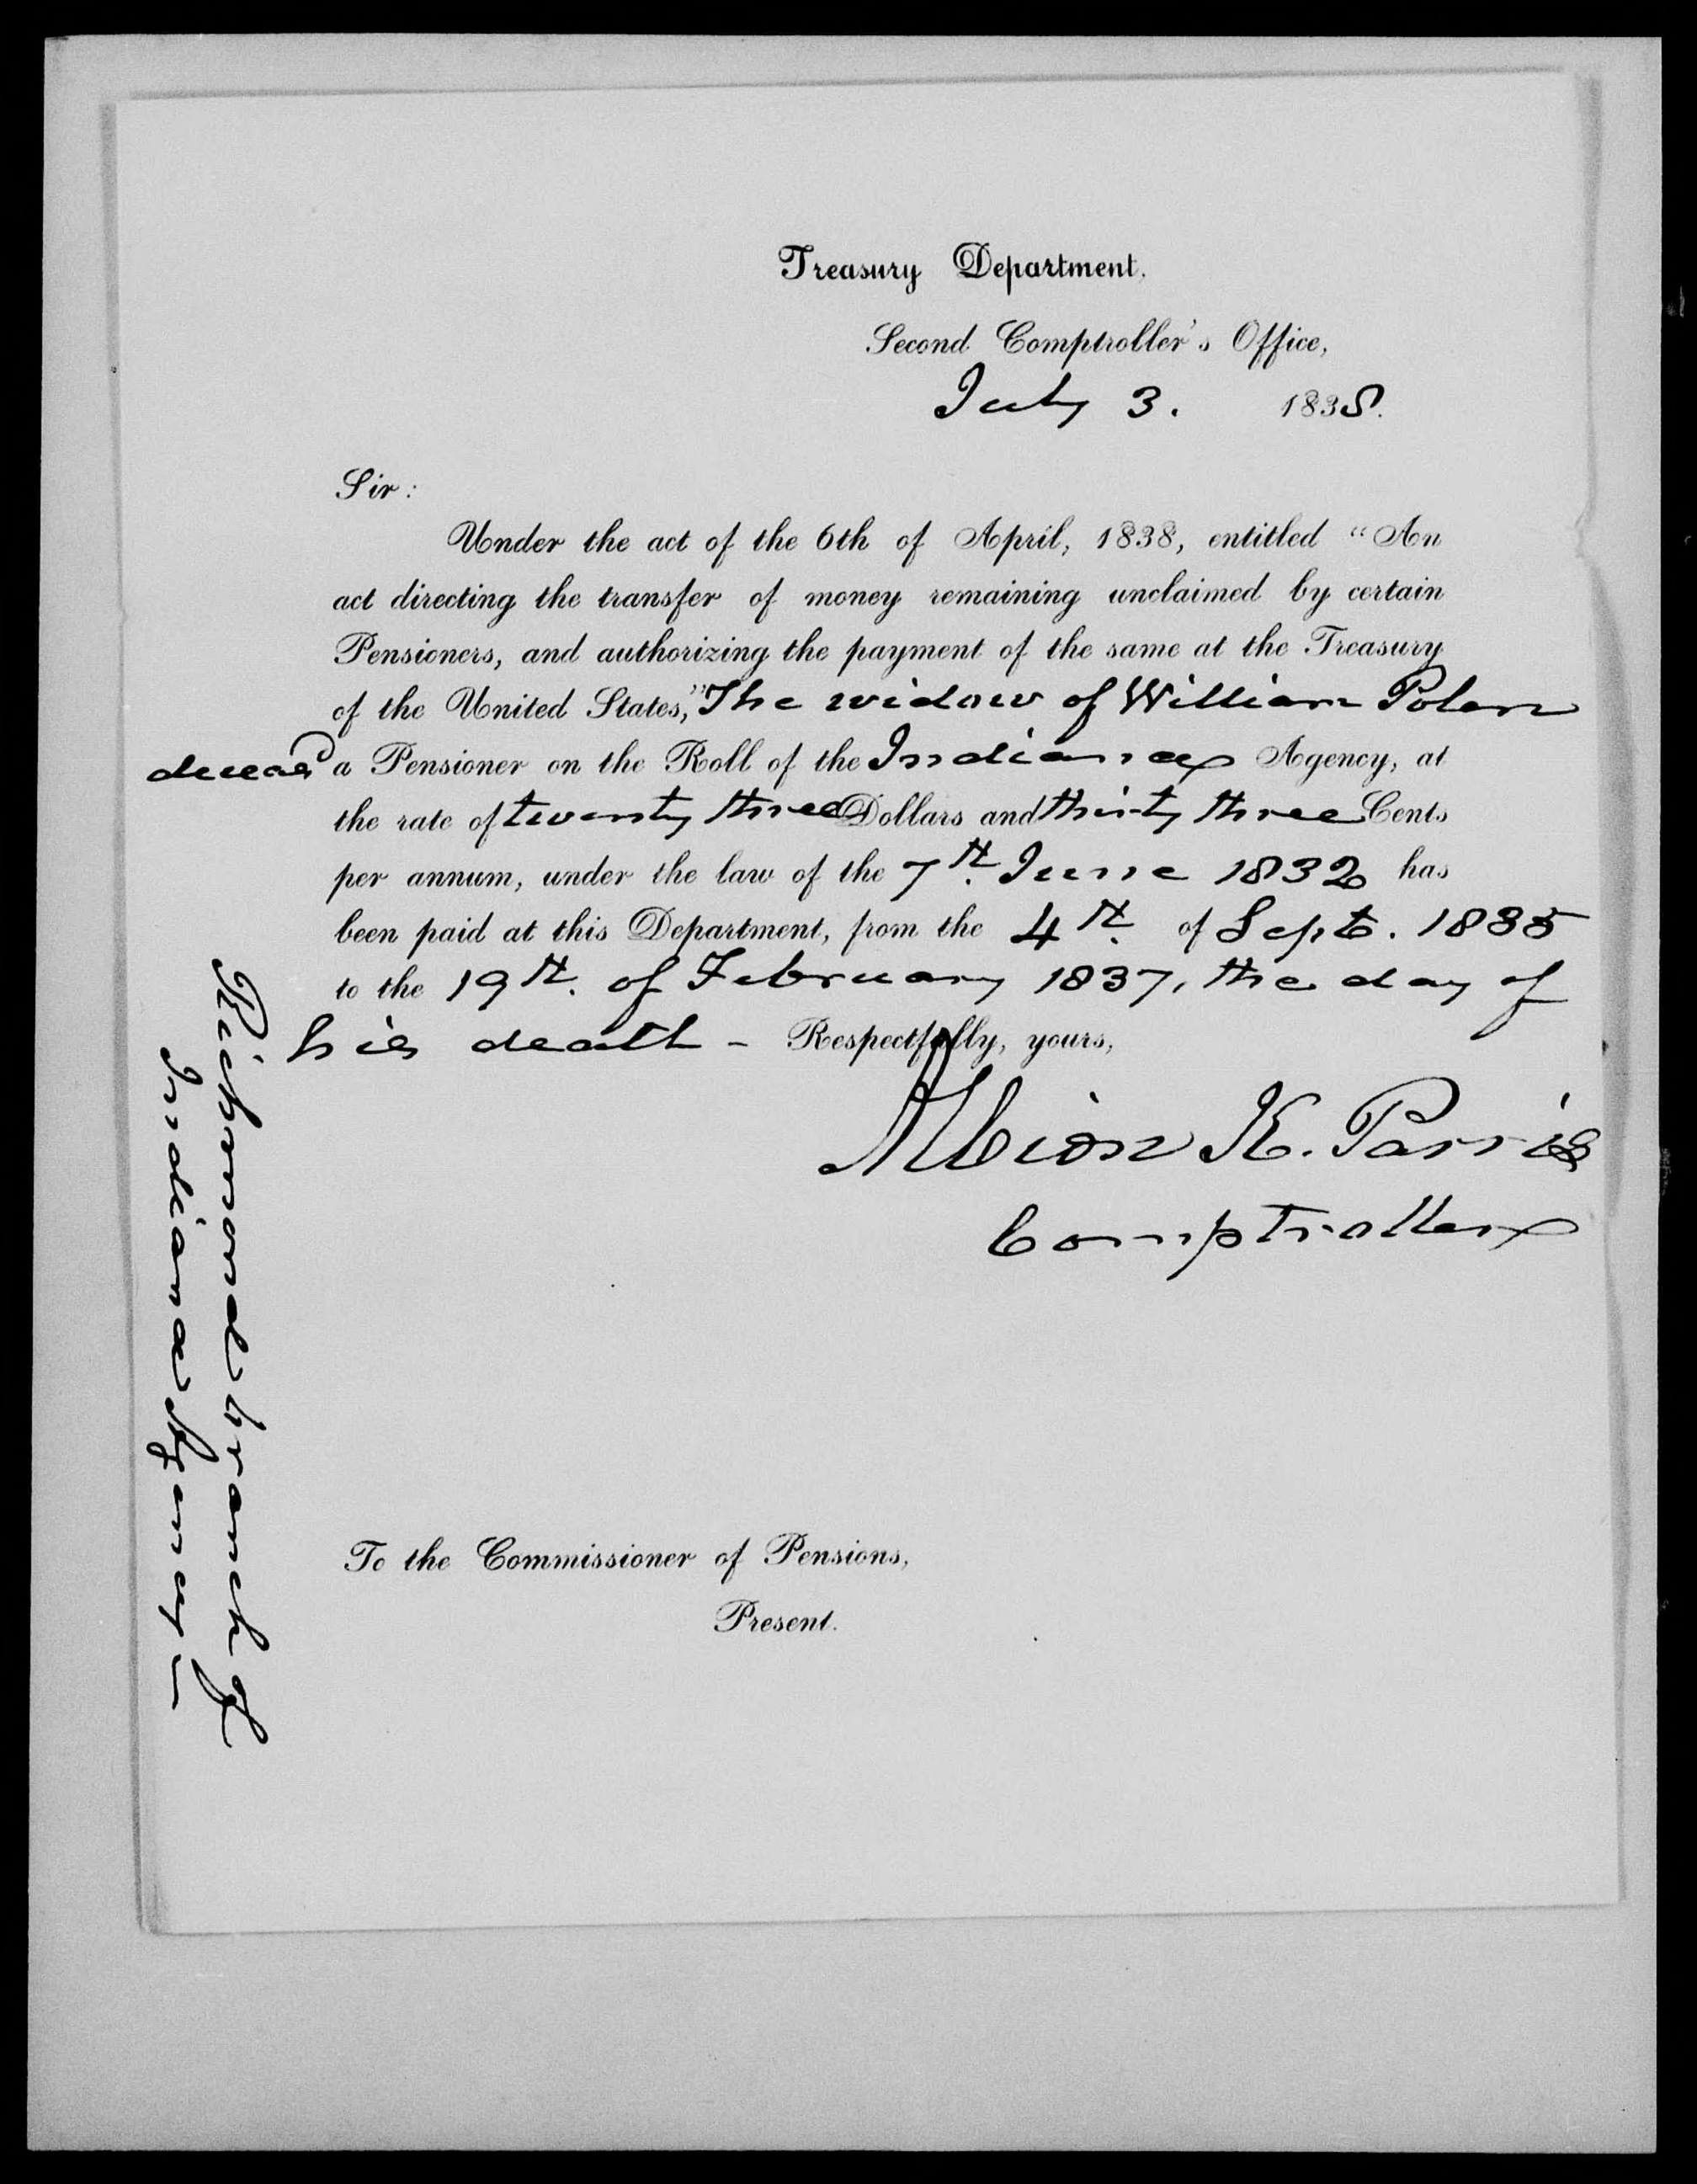Treasury Department,
Second Comptroller's Office,
July 3. 1835.

Sir:
Under the act of the 6th of April, 1838, entitled "An act directing the transfer of money remaining unclaimed by certain Pensioners, and authorizing the payment of the same at the Treasury of the United States," The widow of William Polen deceas'd, a Pensioner on the Roll of the Indiana Agency, at the rate of twenty three Dollars and thirty three Cents per annum, under the law of the 7th June 1832 has been paid at this Department, from the 4th of Sept. 1835 to the 19th of February 1837, the day of his death - Respectfully, yours,
Albion K. Parris
Comptroller
To the Commissioner of Pensions,
Present.

Richmond branch of
Indiana Agency-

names: Albion K Parris; William Polen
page: 7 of 21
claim: survivor's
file: S. 32453, for William Polen, Virginia